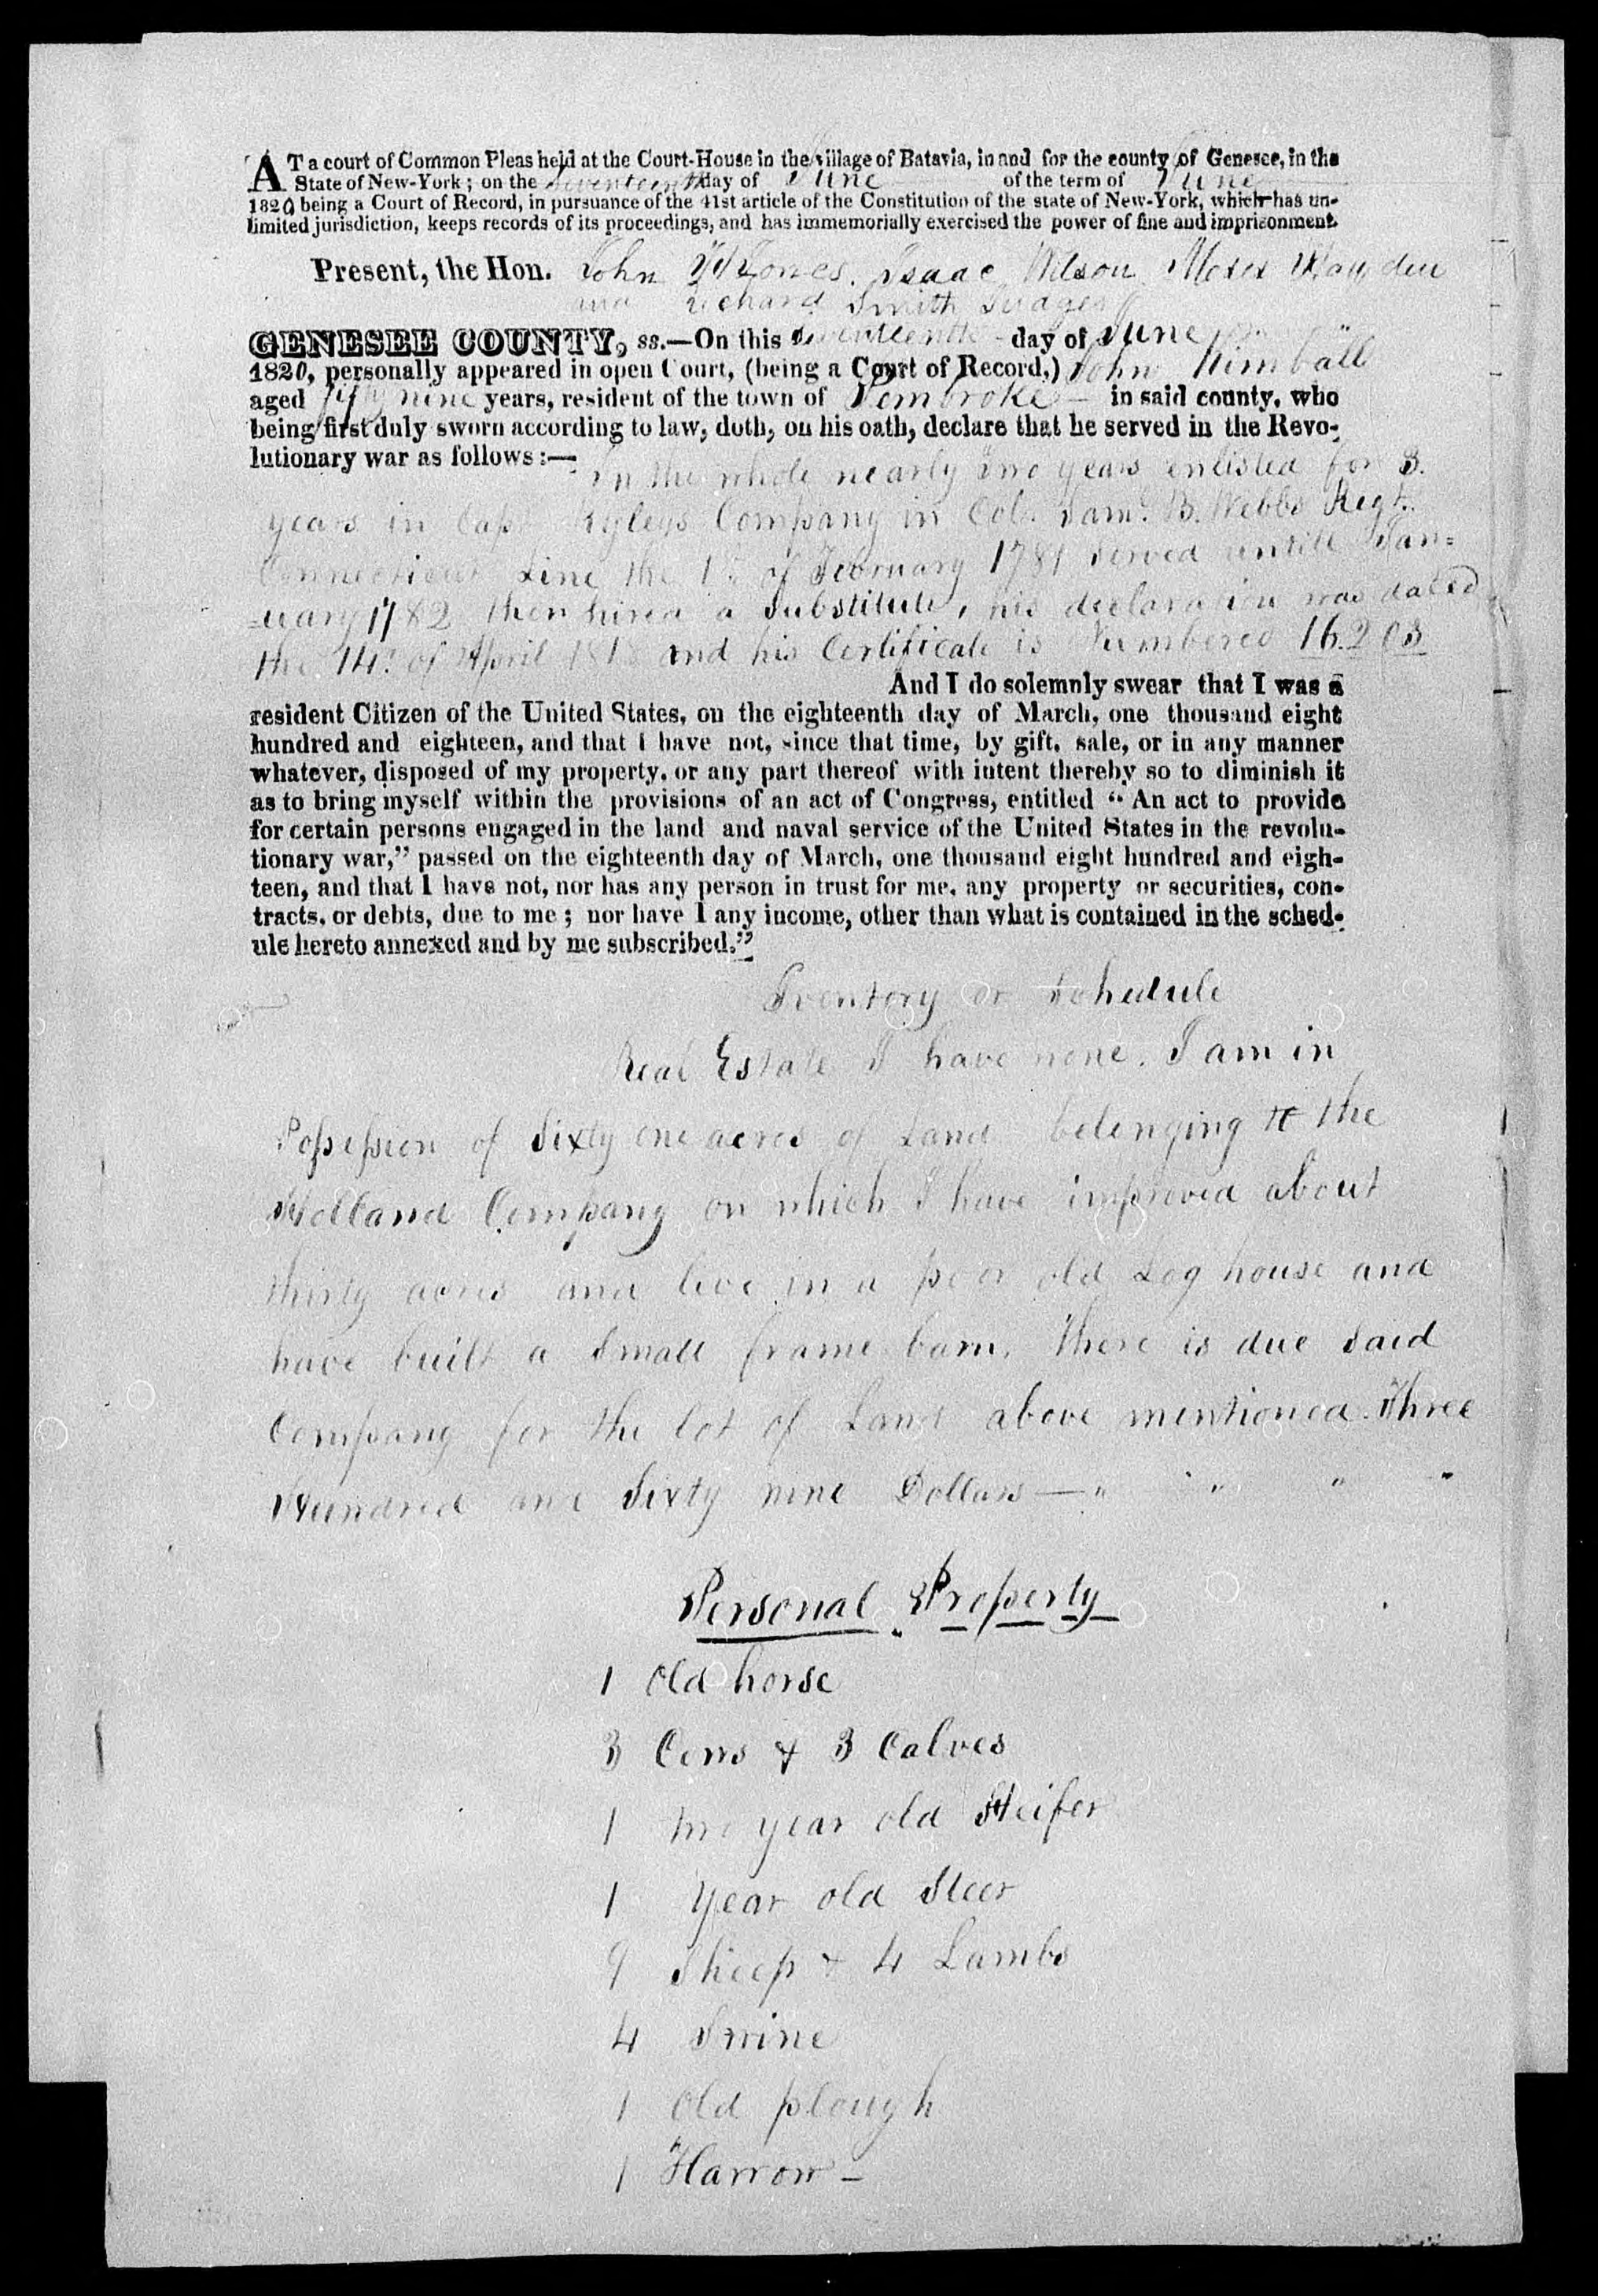At a court of Common Pleas held at the Court-House in the village of Batavia, in and for the county of Genesee, in the State of New-York; on the Seventeenth day of June of the term of June 1820 being a Court of Record, in pursuance of the 41st article of Constitution of the state of New-York which has unlimited jurisdiction, keeps records of its proceedings, and has immemorially exercised the power of fine and imprisonment.
Present, the Hon. John F. Jones, Isaac Wilson Moses Hayden and Richard Smith Judges
Genesee County, ss. - On this Seventeenth day of June 1820, personally appeared in open Court, (being a Court of Record,) John Kimball aged fifty-nine years, resident of the town of Pembroke in said county, who being first duly sworn according to law, doth, on his oath, declare that he served in the Revolutionary war as follows: -
In the whole nearly two years enlisted for 3 years in Cap Ryleys Company in Col. Saml B Webbs Regt Connecticut Line the 1st of February 1781 served untill January 1782 then hired a substitute, his declaration was dated the 14th of April 1818 and his Certificate is Numbered 16.203.
And I do solemnly swear that I was a resident Citizen of the United States, on the eighteenth day of March, one thousand eight hundred and eighteen, and that I have not, since that time, by gift, sale, or in any manner whatever, disposed of my property, or any part thereof with intent thereby so to diminish it as to bring myself within the provisions of an act of Congress, entitled "An act to provide for certain persons engaged in the land and naval service of the United States in the revolutionary war," passed on the eighteenth day of March, one thousand eight hundred and eighteen, and that I have not, nor has any person in trust for me, any property or securities, contracts, or debts, due to me; nor have I any income, other than what is contained in the schedule hereto annexed and by me subscribed."
Inventory or Schedule
Real Estate I have none. I am in possession of Sixty one acres of land belonging to the Holland Company on which I have improved about thirty acres and live in a poor old log house and have built a small frame barn. There is due said Company for the let of Land above mentioned Three Hundred and Sixty nine Dollars -

Personal Property
1 old horse
3 Cows & 3 Calves
1 two year old Heifer
1 year old Steer
9 Sheep & 4 Lambs
4 Swine
1 Old plough
1 Harrow -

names: Moses Hayden; John F Jones; Isaac Nelson; John Kimball; Richard Smith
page: 3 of 36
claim: survivor's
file: S. 42,792, for John Kimball, Connecticut